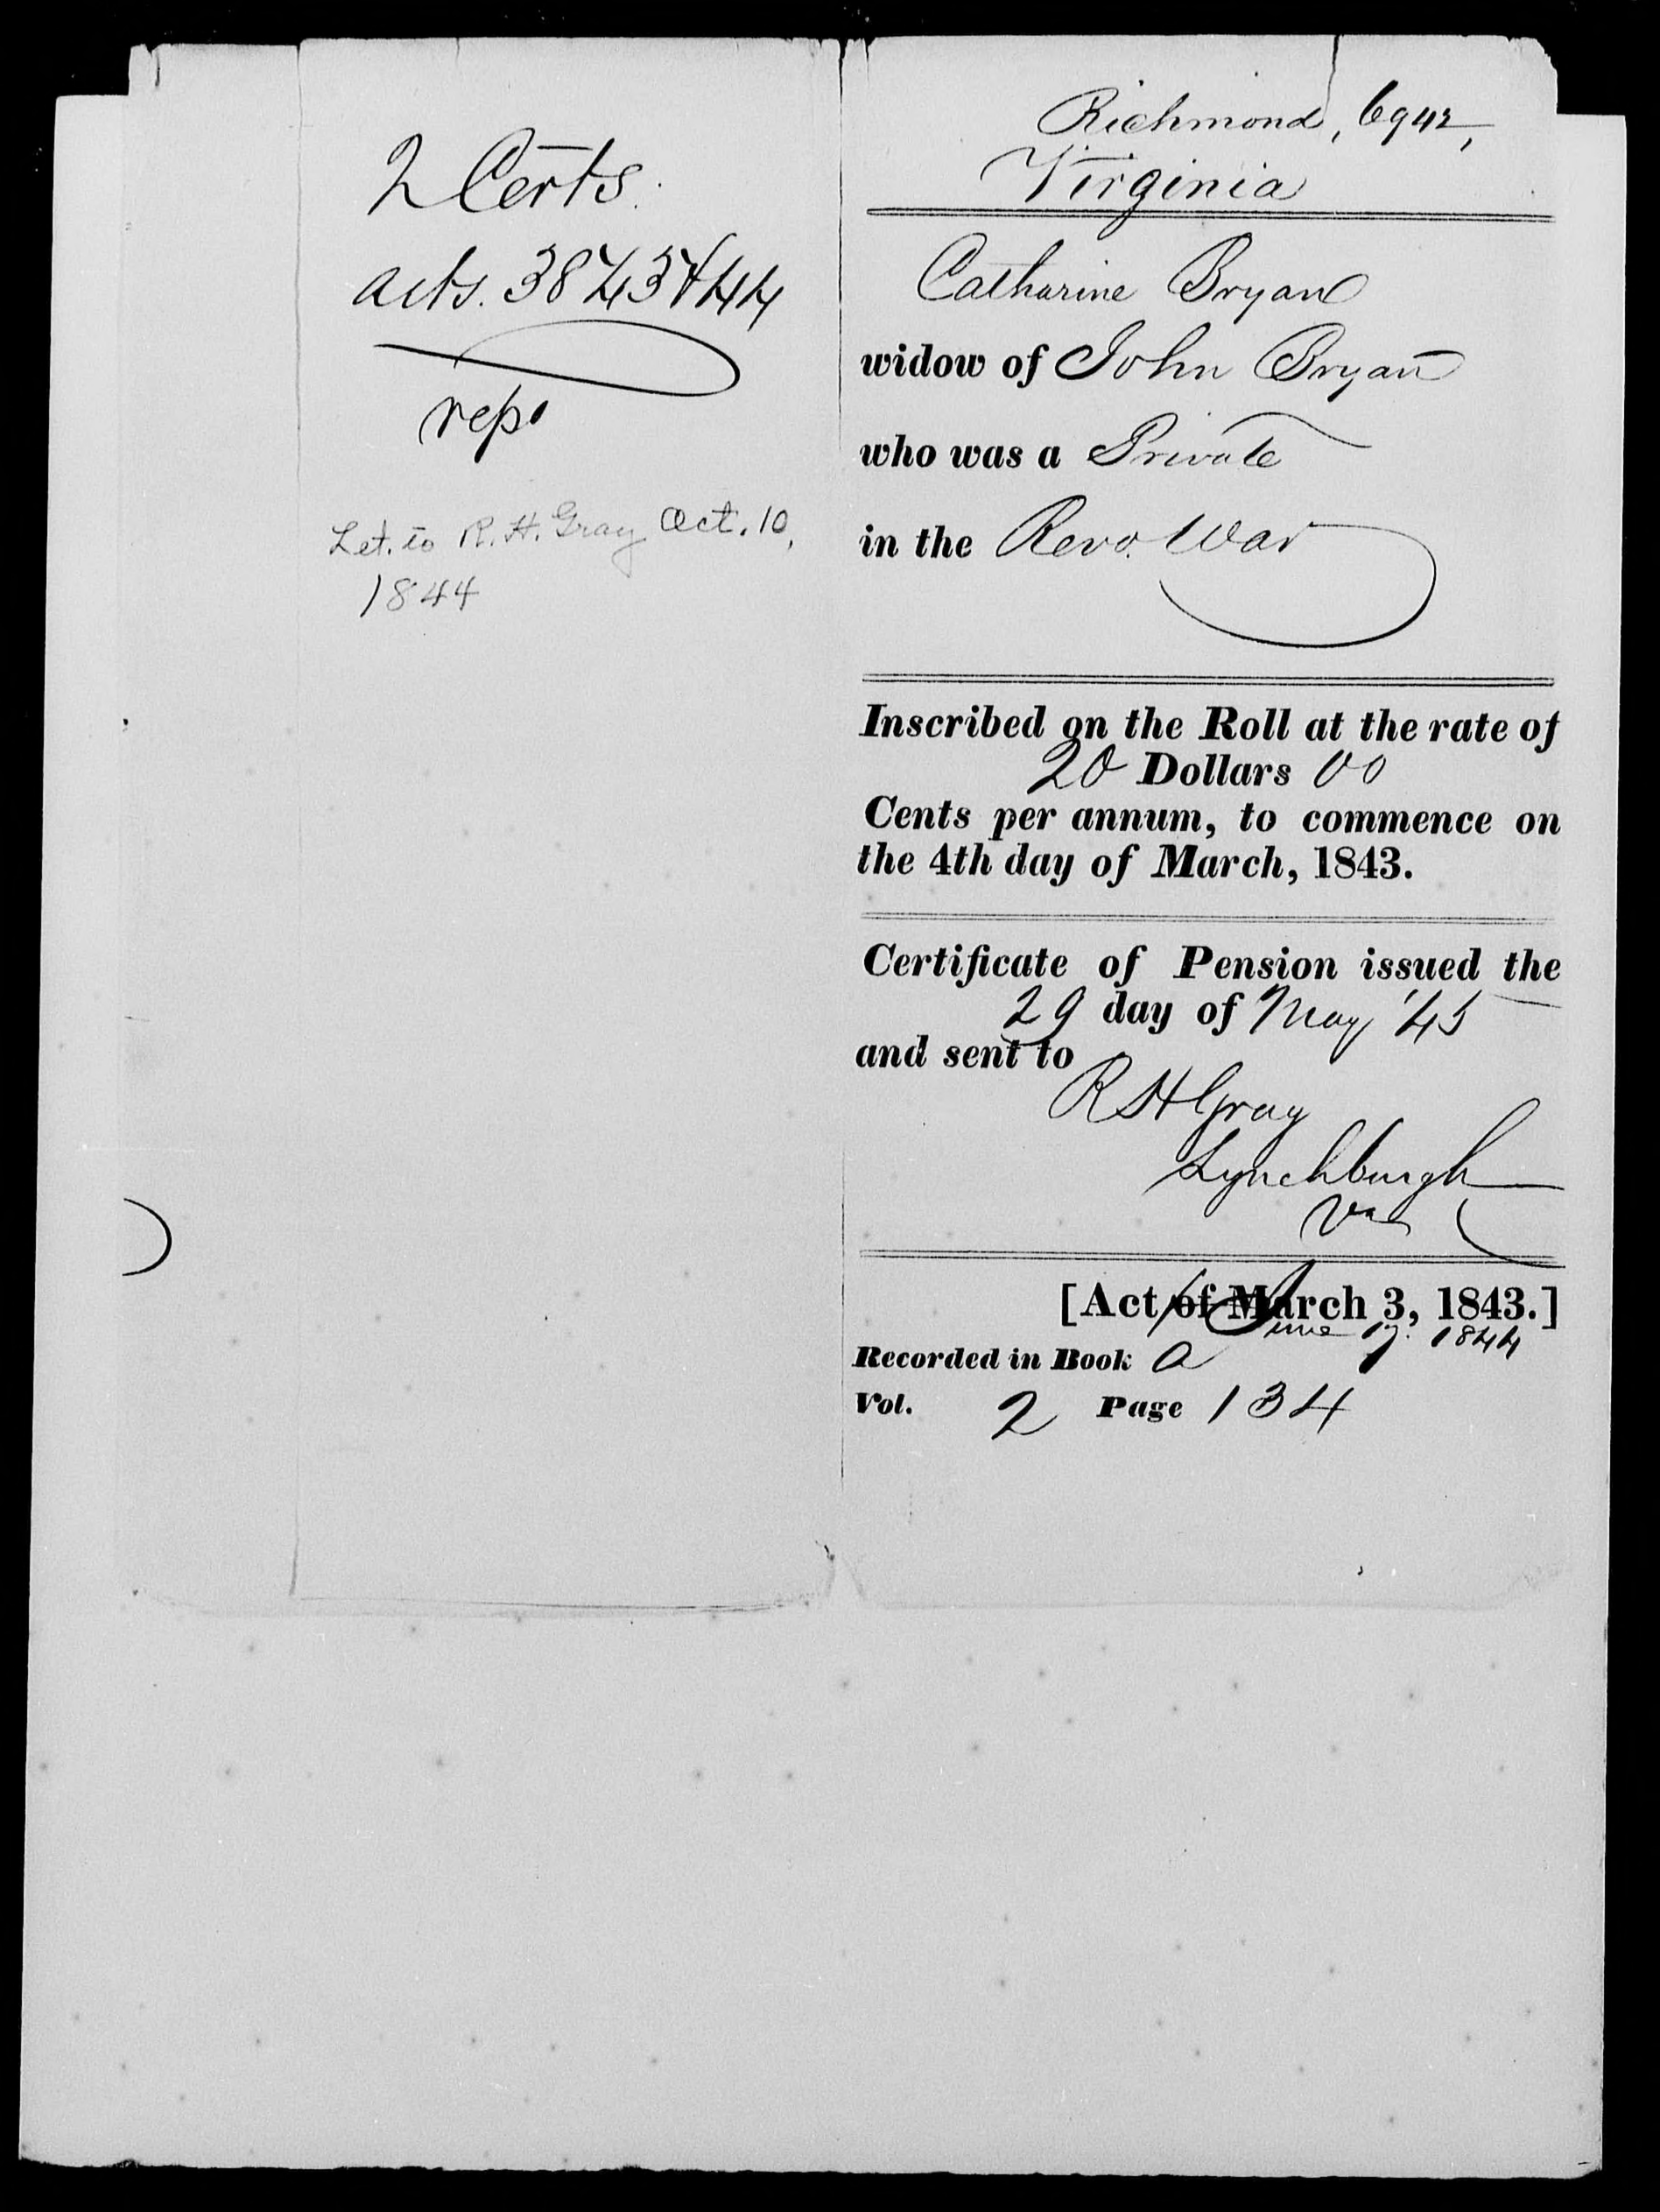[Right Side] 
2 Certs :
ack. 38437/44
[scribble] 
rep 
Let. to R.H. Gray Oct 10. 1844

[Left Side] 
Richmond, 6942, Virgina

Catharine Bryan 
widow of John Bryan 
who was a Private
in the Rev. war

Inscribed on the Roll at the rate of 
20 Dollars 00 
Cents per annum, to commence on the 4th day of March, 1843.

Certificate of Pension issued the 
29 day of May '45 
and sent to 
R.H. Gray Lynchburg

[Act of March 3, 1843.] [scribble] 
Recorded in Book a June 17. 1844
Vol. 2 Page 134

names: John Bryan, Catharine Bryan, R H Gray, R H Gray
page: 9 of 31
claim: widow's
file: W. 3759, John Bryan, Va.